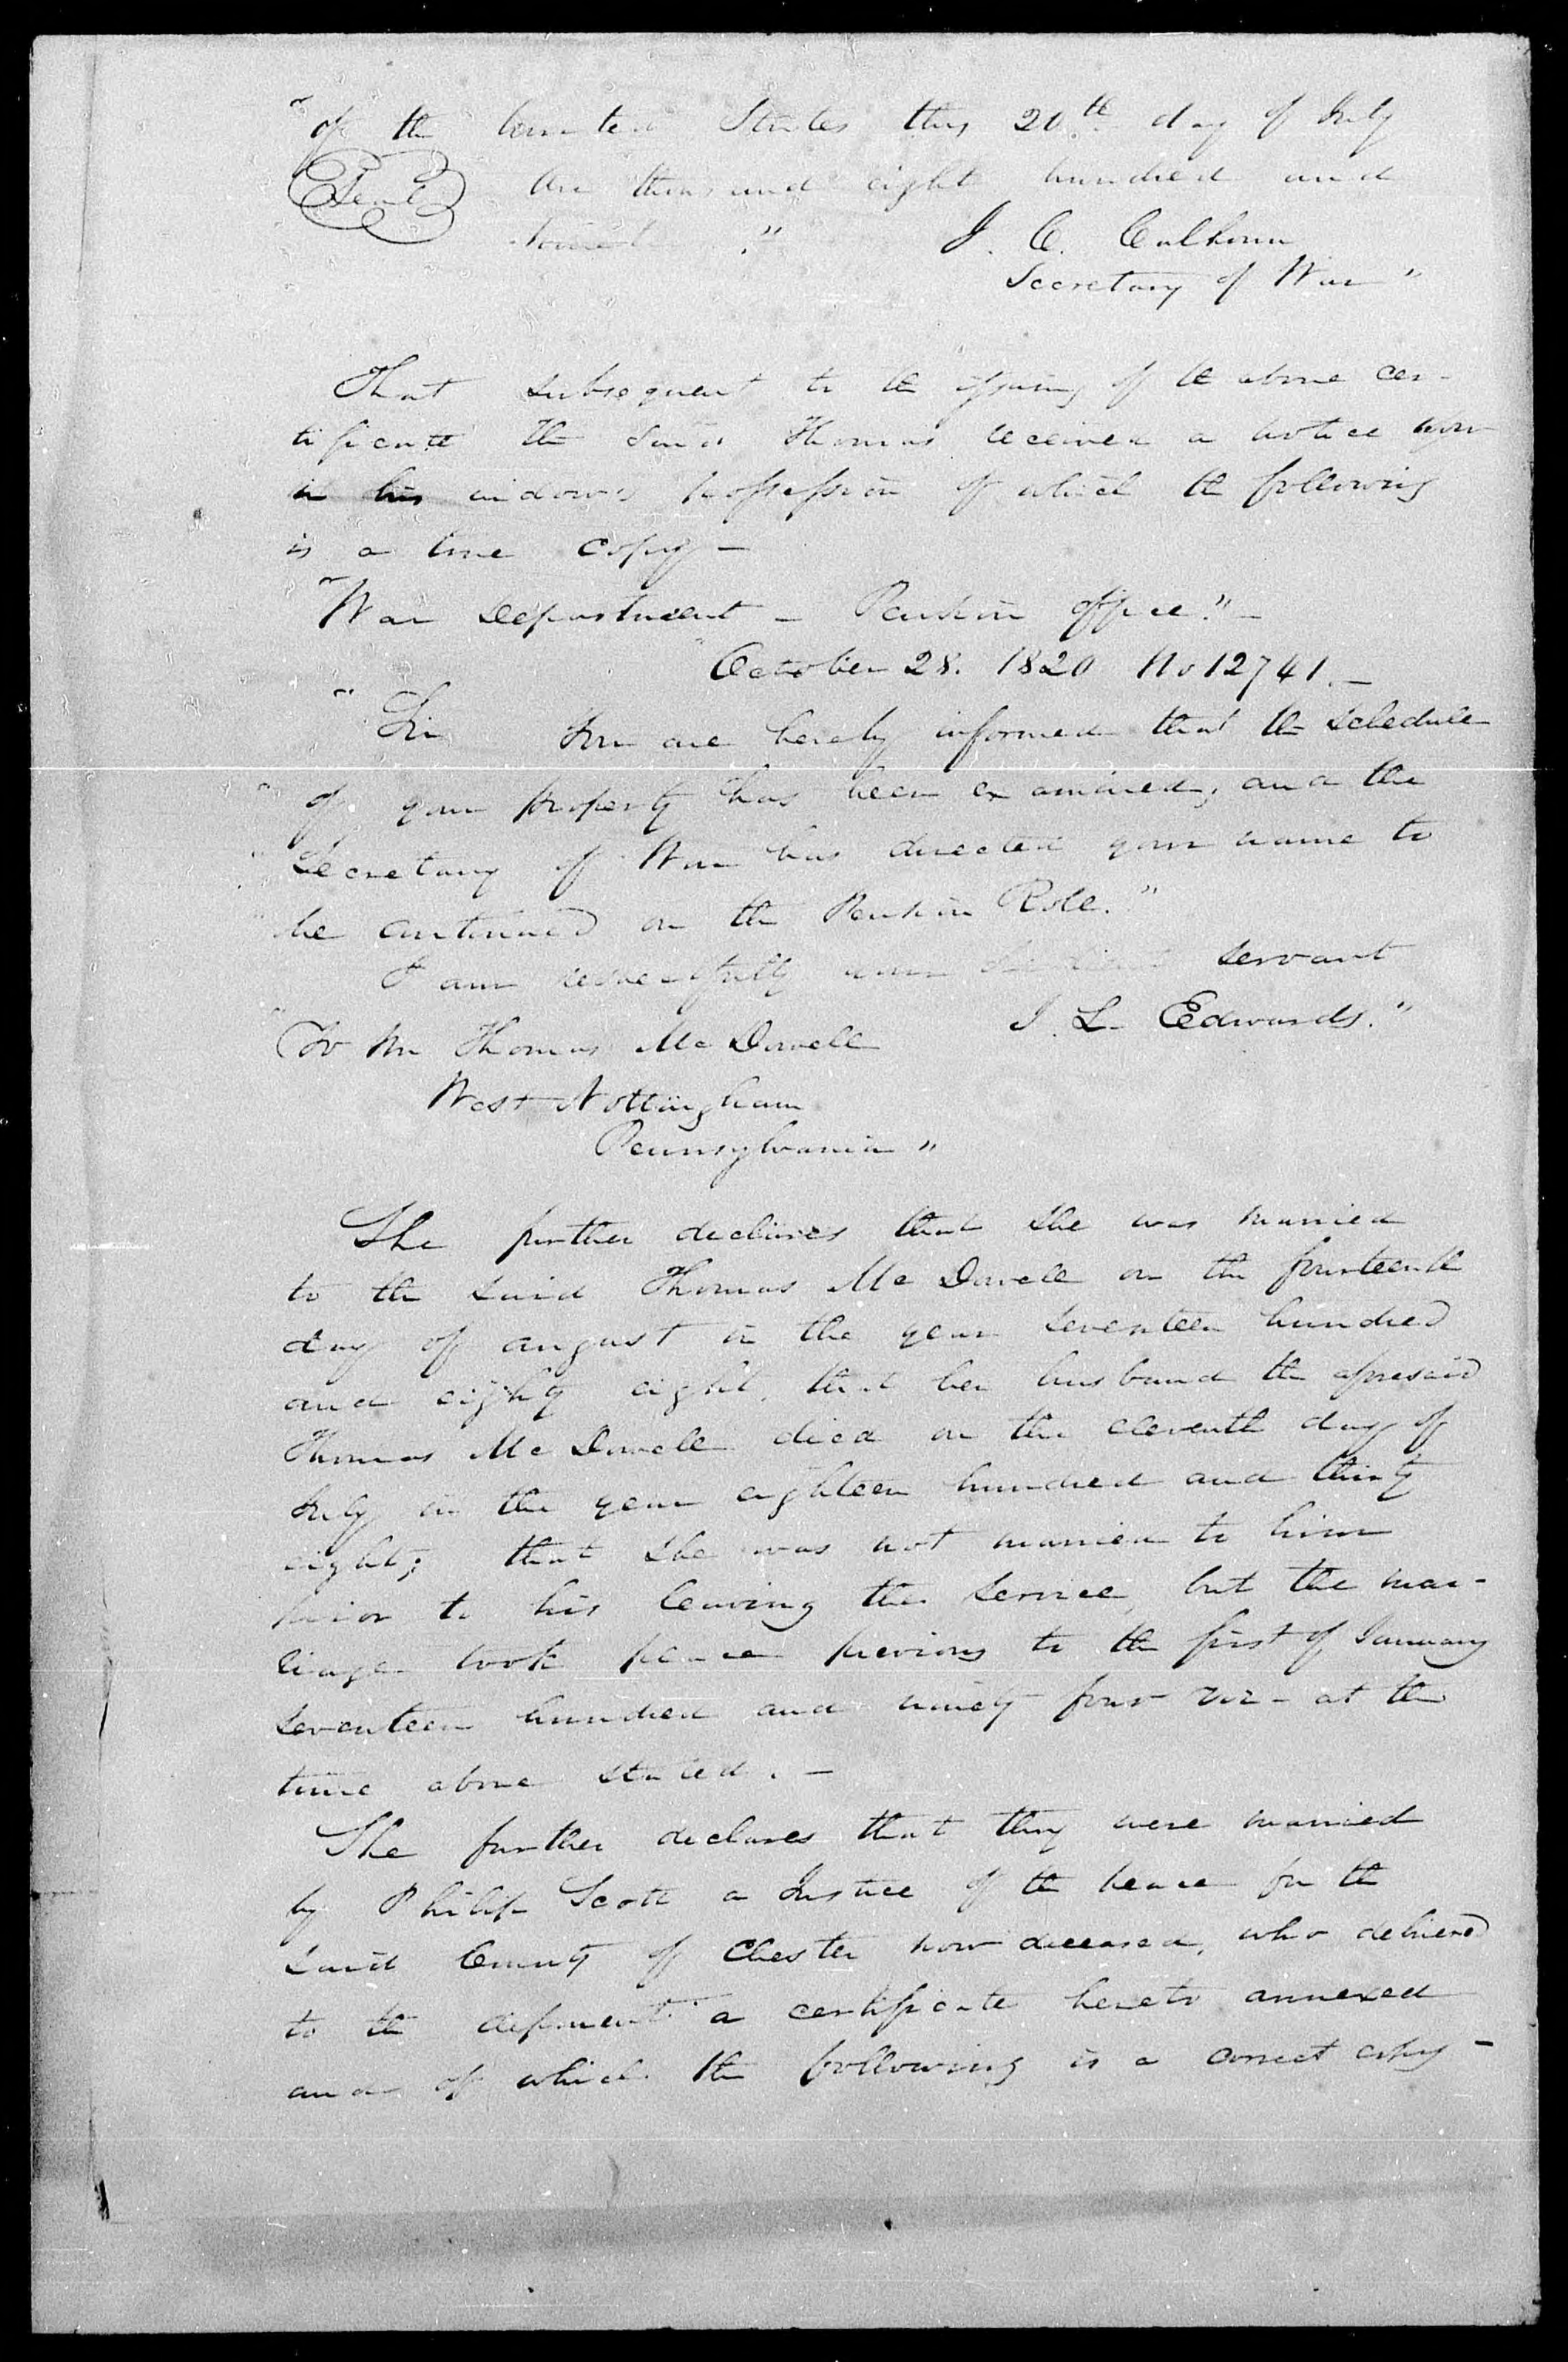of the United States this 20th day of July one thousand eight hundred and twenty

SEAL

J A Calhoun
Secretary of War

That subsequent to the issuing of the above certificate the said Thomas received a notice in his widow's possession of which the following is a true copy - 

"War Department - Pension Office
October 28, 1820 No 12741

Sir you are hereby informed that the schedule of your property has been examined, and the Secretary of war has directed your name to be continued on the pension roll"

I am respectfully your obedient servant

J.L. Edwards

To Mr. Thomas McDowell
West Nottingham
Pennsylvania"

She further declares that she was married to the said Thomas McDowell on the fourteenth day of August in the year seventeen hundred and eighty-eight, that her husband the aforesaid Thomas McDowell died on the eleventh day of July in the year eighteen hundred and thirty-eight; that she was not married to him prior to his leaving the service but the marriage took place previous to the first of January seventeen hundred and ninety-four and at the time above stated.

She further declares that they were married by Philip Scott a Justice of the Peace for the said County of Chester now deceased who delivered to the deponent a certificate hereto annexed and of which the following is a correct copy.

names: Philip Scott; J L Edwards; Thomas Mc Dowell; J C Calhoun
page: 6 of 63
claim: widow's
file: W 2957, for Thomas Mc Dowell, Maryland